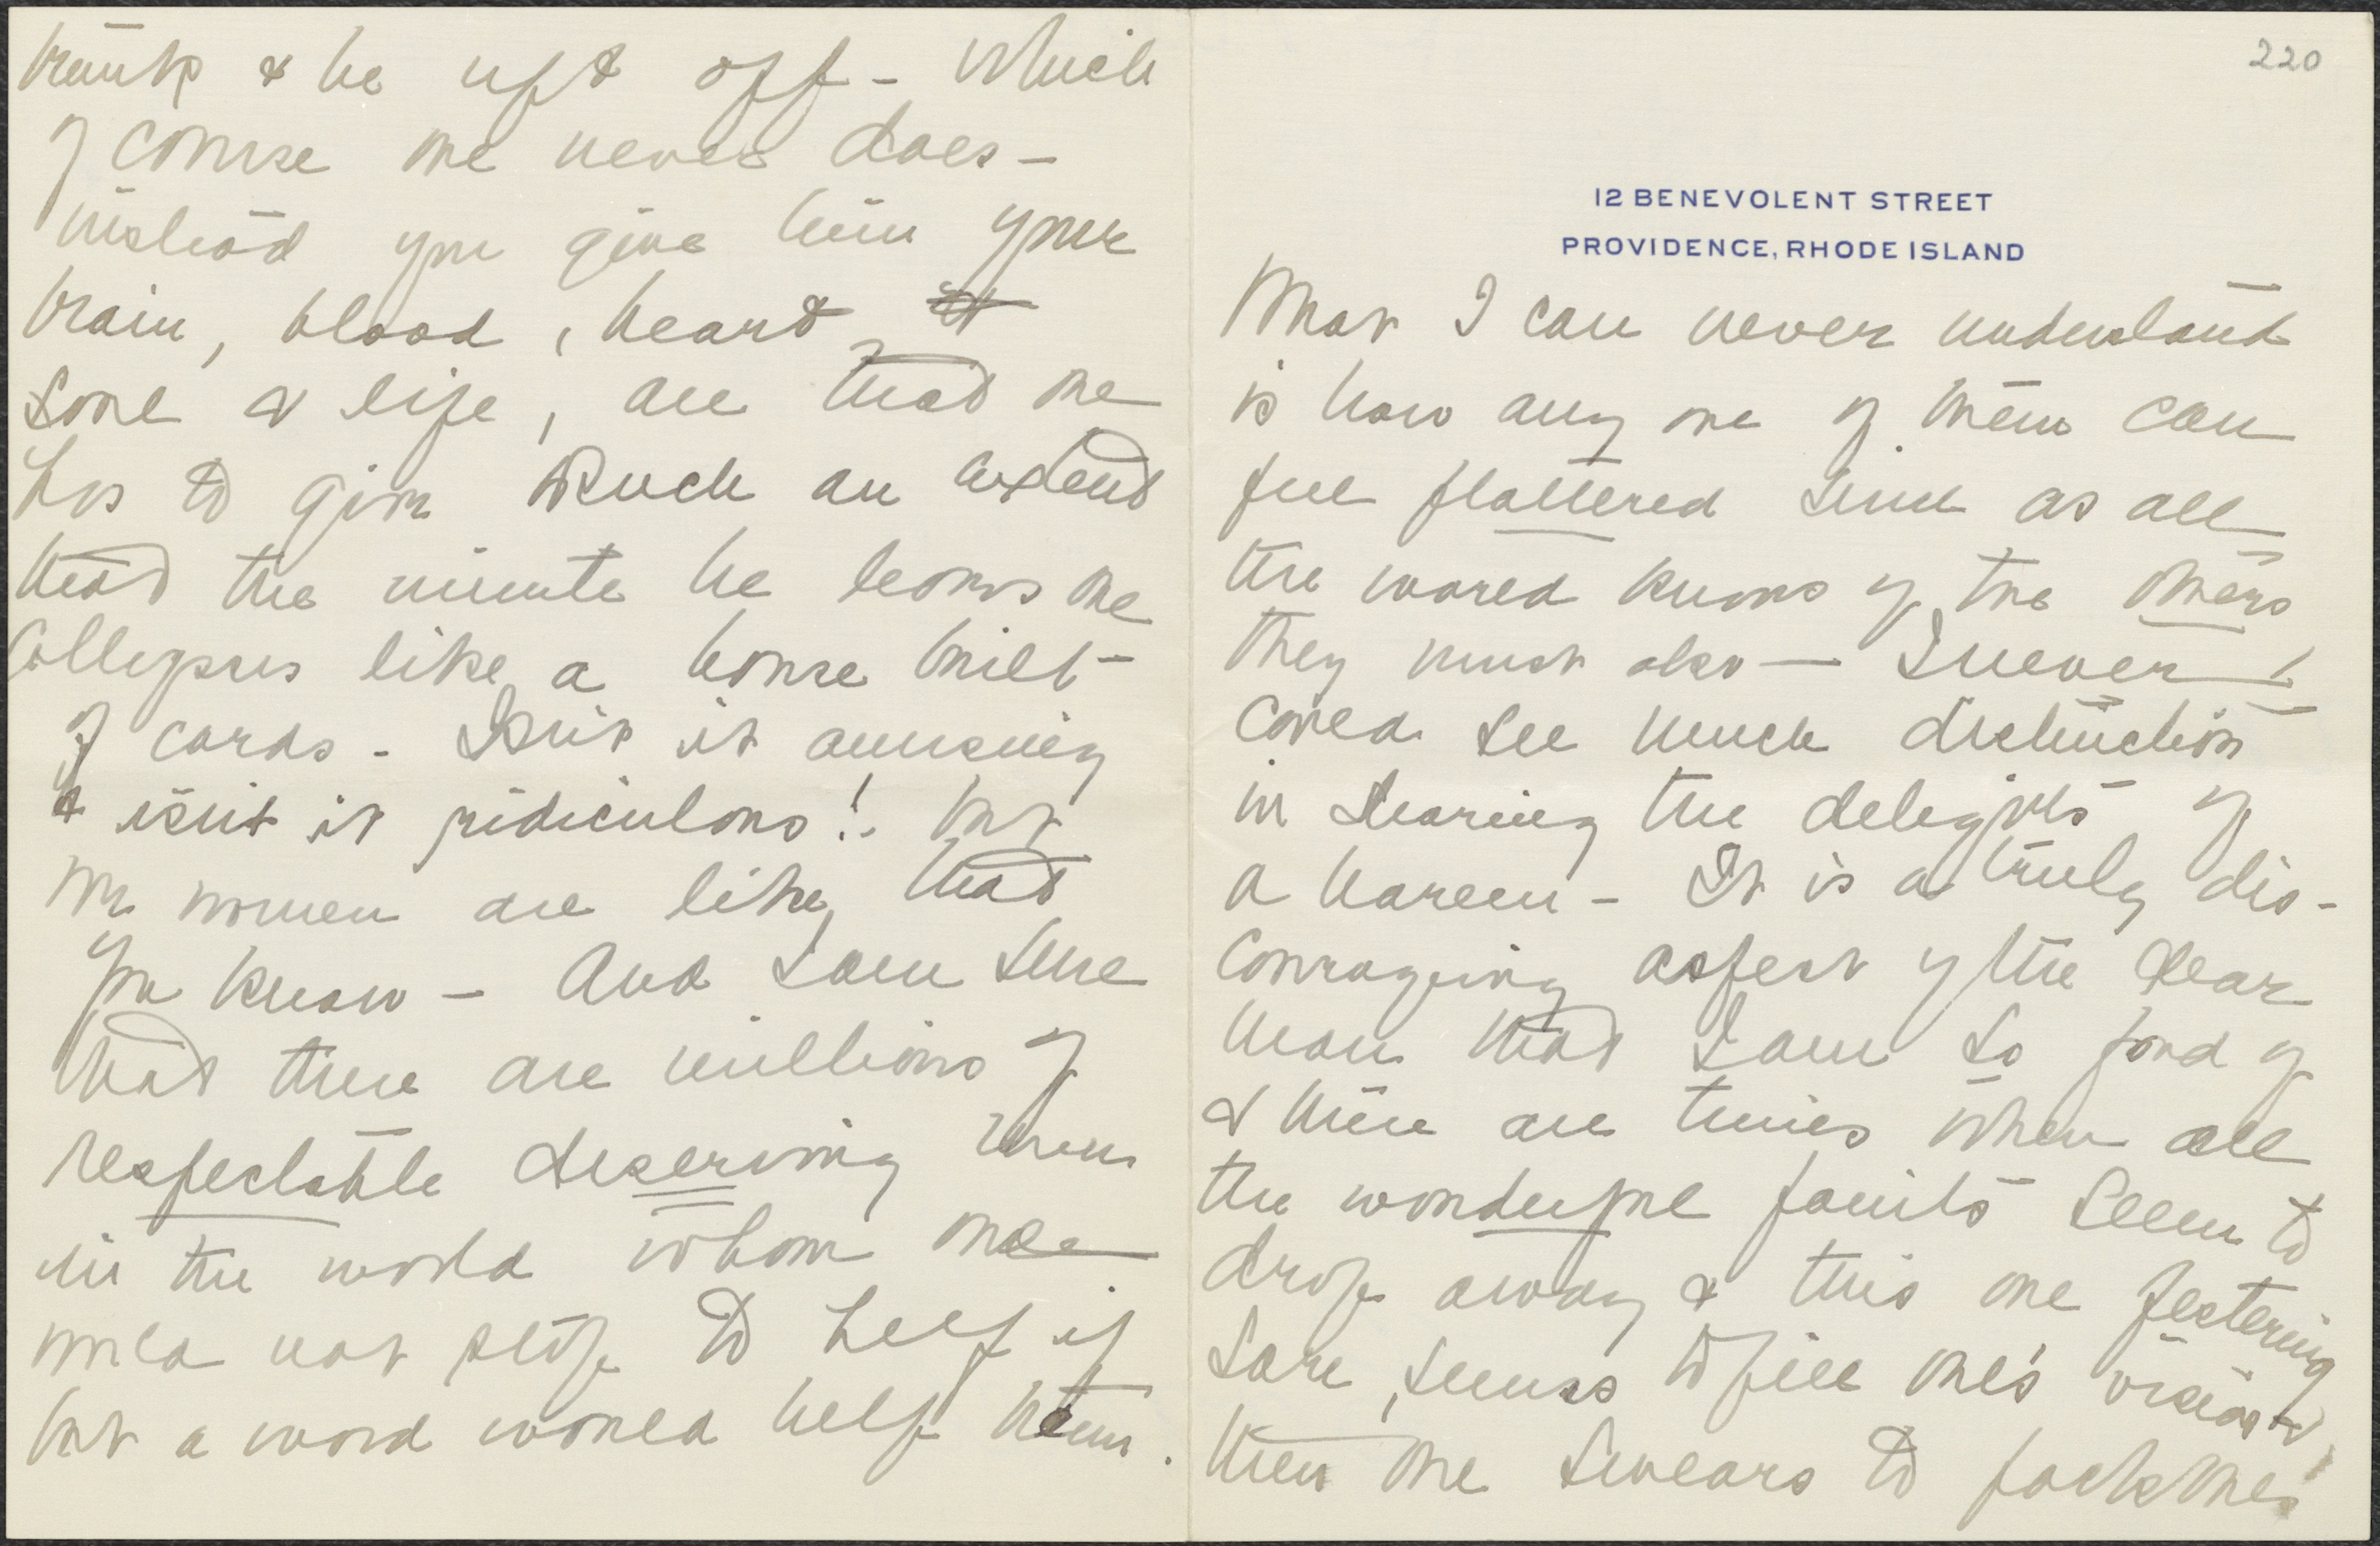What I can never understand is how any one of them can feel flattered since as all the world knows of the others they must also – I never could see much distinction in sharing the delights of a harem – It is a truly discouraging aspect of the dear man that I am so fond of & there are times when all the wonderful points seem to drop away & this one festering sore, seems to fill one’s visions & then one swears to pack one’s
trunk & be up & off – Which of course one never does – instead you give him your brain, blood, heart & soul & life, all that one has to give to such an extent that the minute he leaves one collapses like a house built of cards – Isn’t it amusing & isn’t it ridiculous! but we women are like that you know – And I am sure that there are millions of respectable [double underlined: deserving] men in the world whom one would not stop to help if but a word would help them.